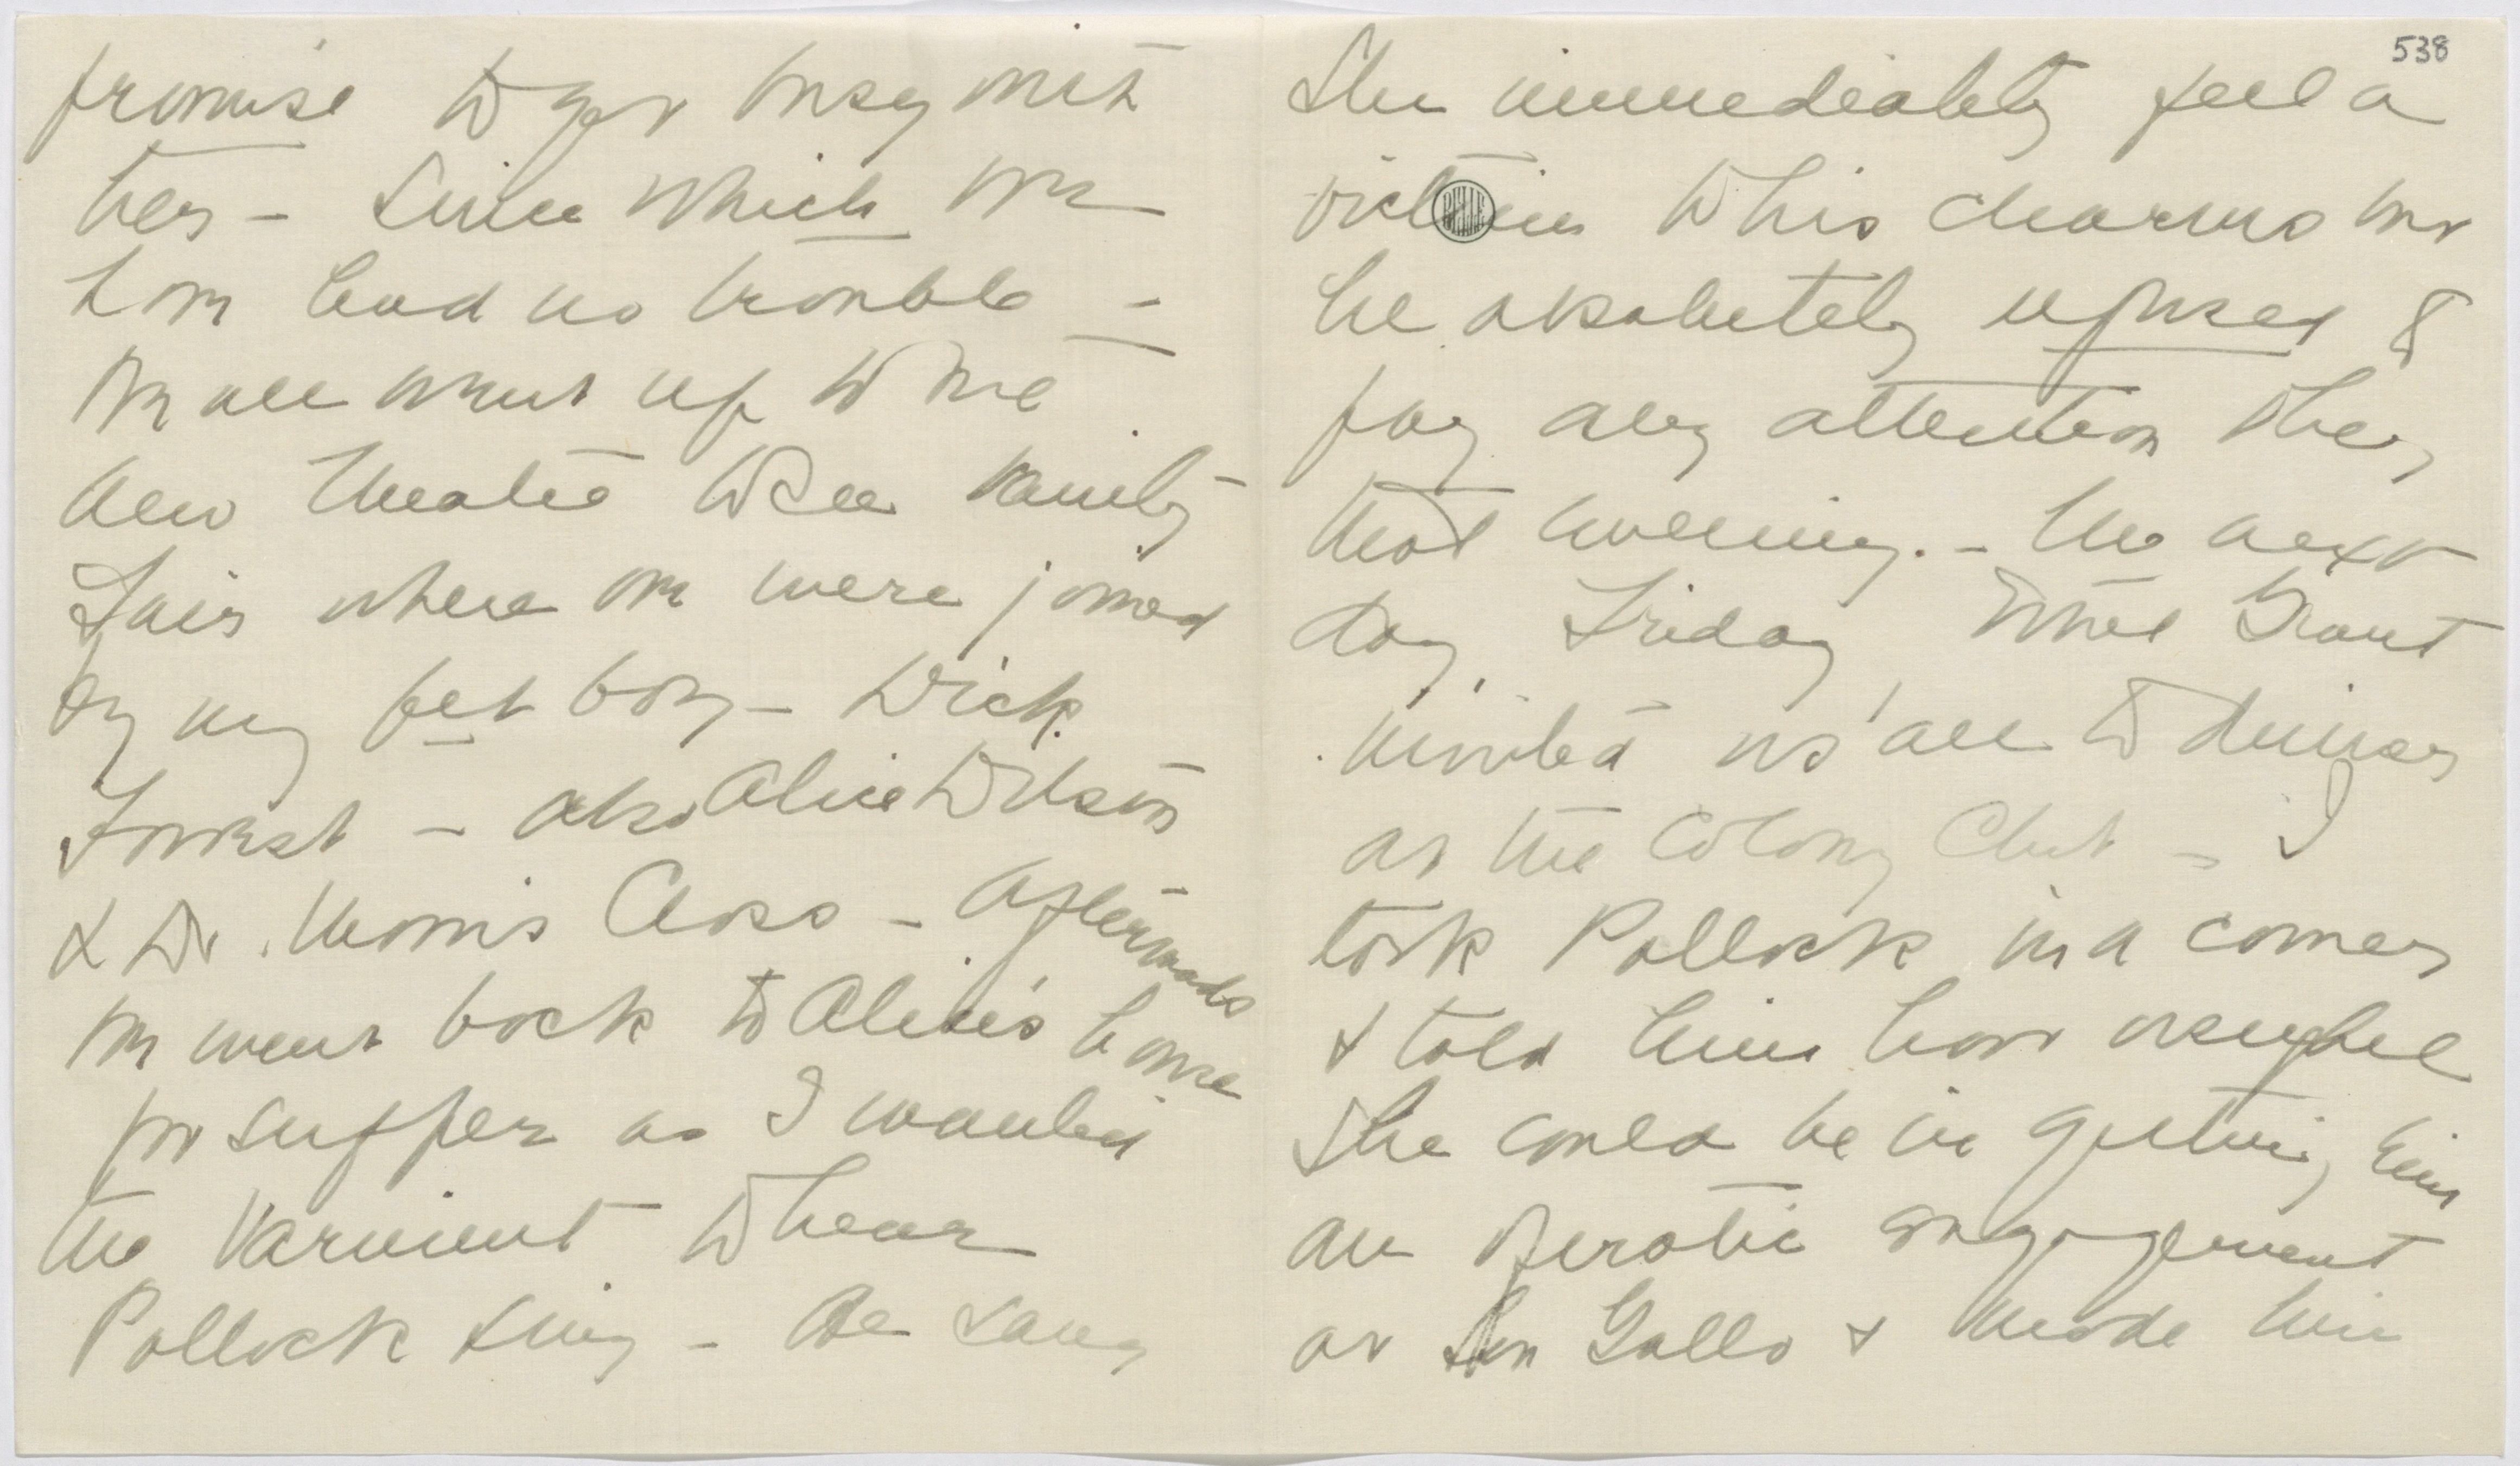She immediately fell a victim to his charms but he absolutely refused to pay any attention to her that evening. – The next day, Friday, Ethel Grant invited us all to dinner at the Colony Club – I took Pollock in a corner & told him how useful she could be in getting him an operatic engagement at San Gallo & made him
promise to get busy with her – since which we have had no trouble – We all went up to the New Theatre to see Vanity Fair where we were joined by my pet boy – Dick Forrest – also Alice Ditson & Dr. Morris Class – afterwards we went back to Alice’s house for supper as I wanted the varmint to hear Pollock sing – He sang